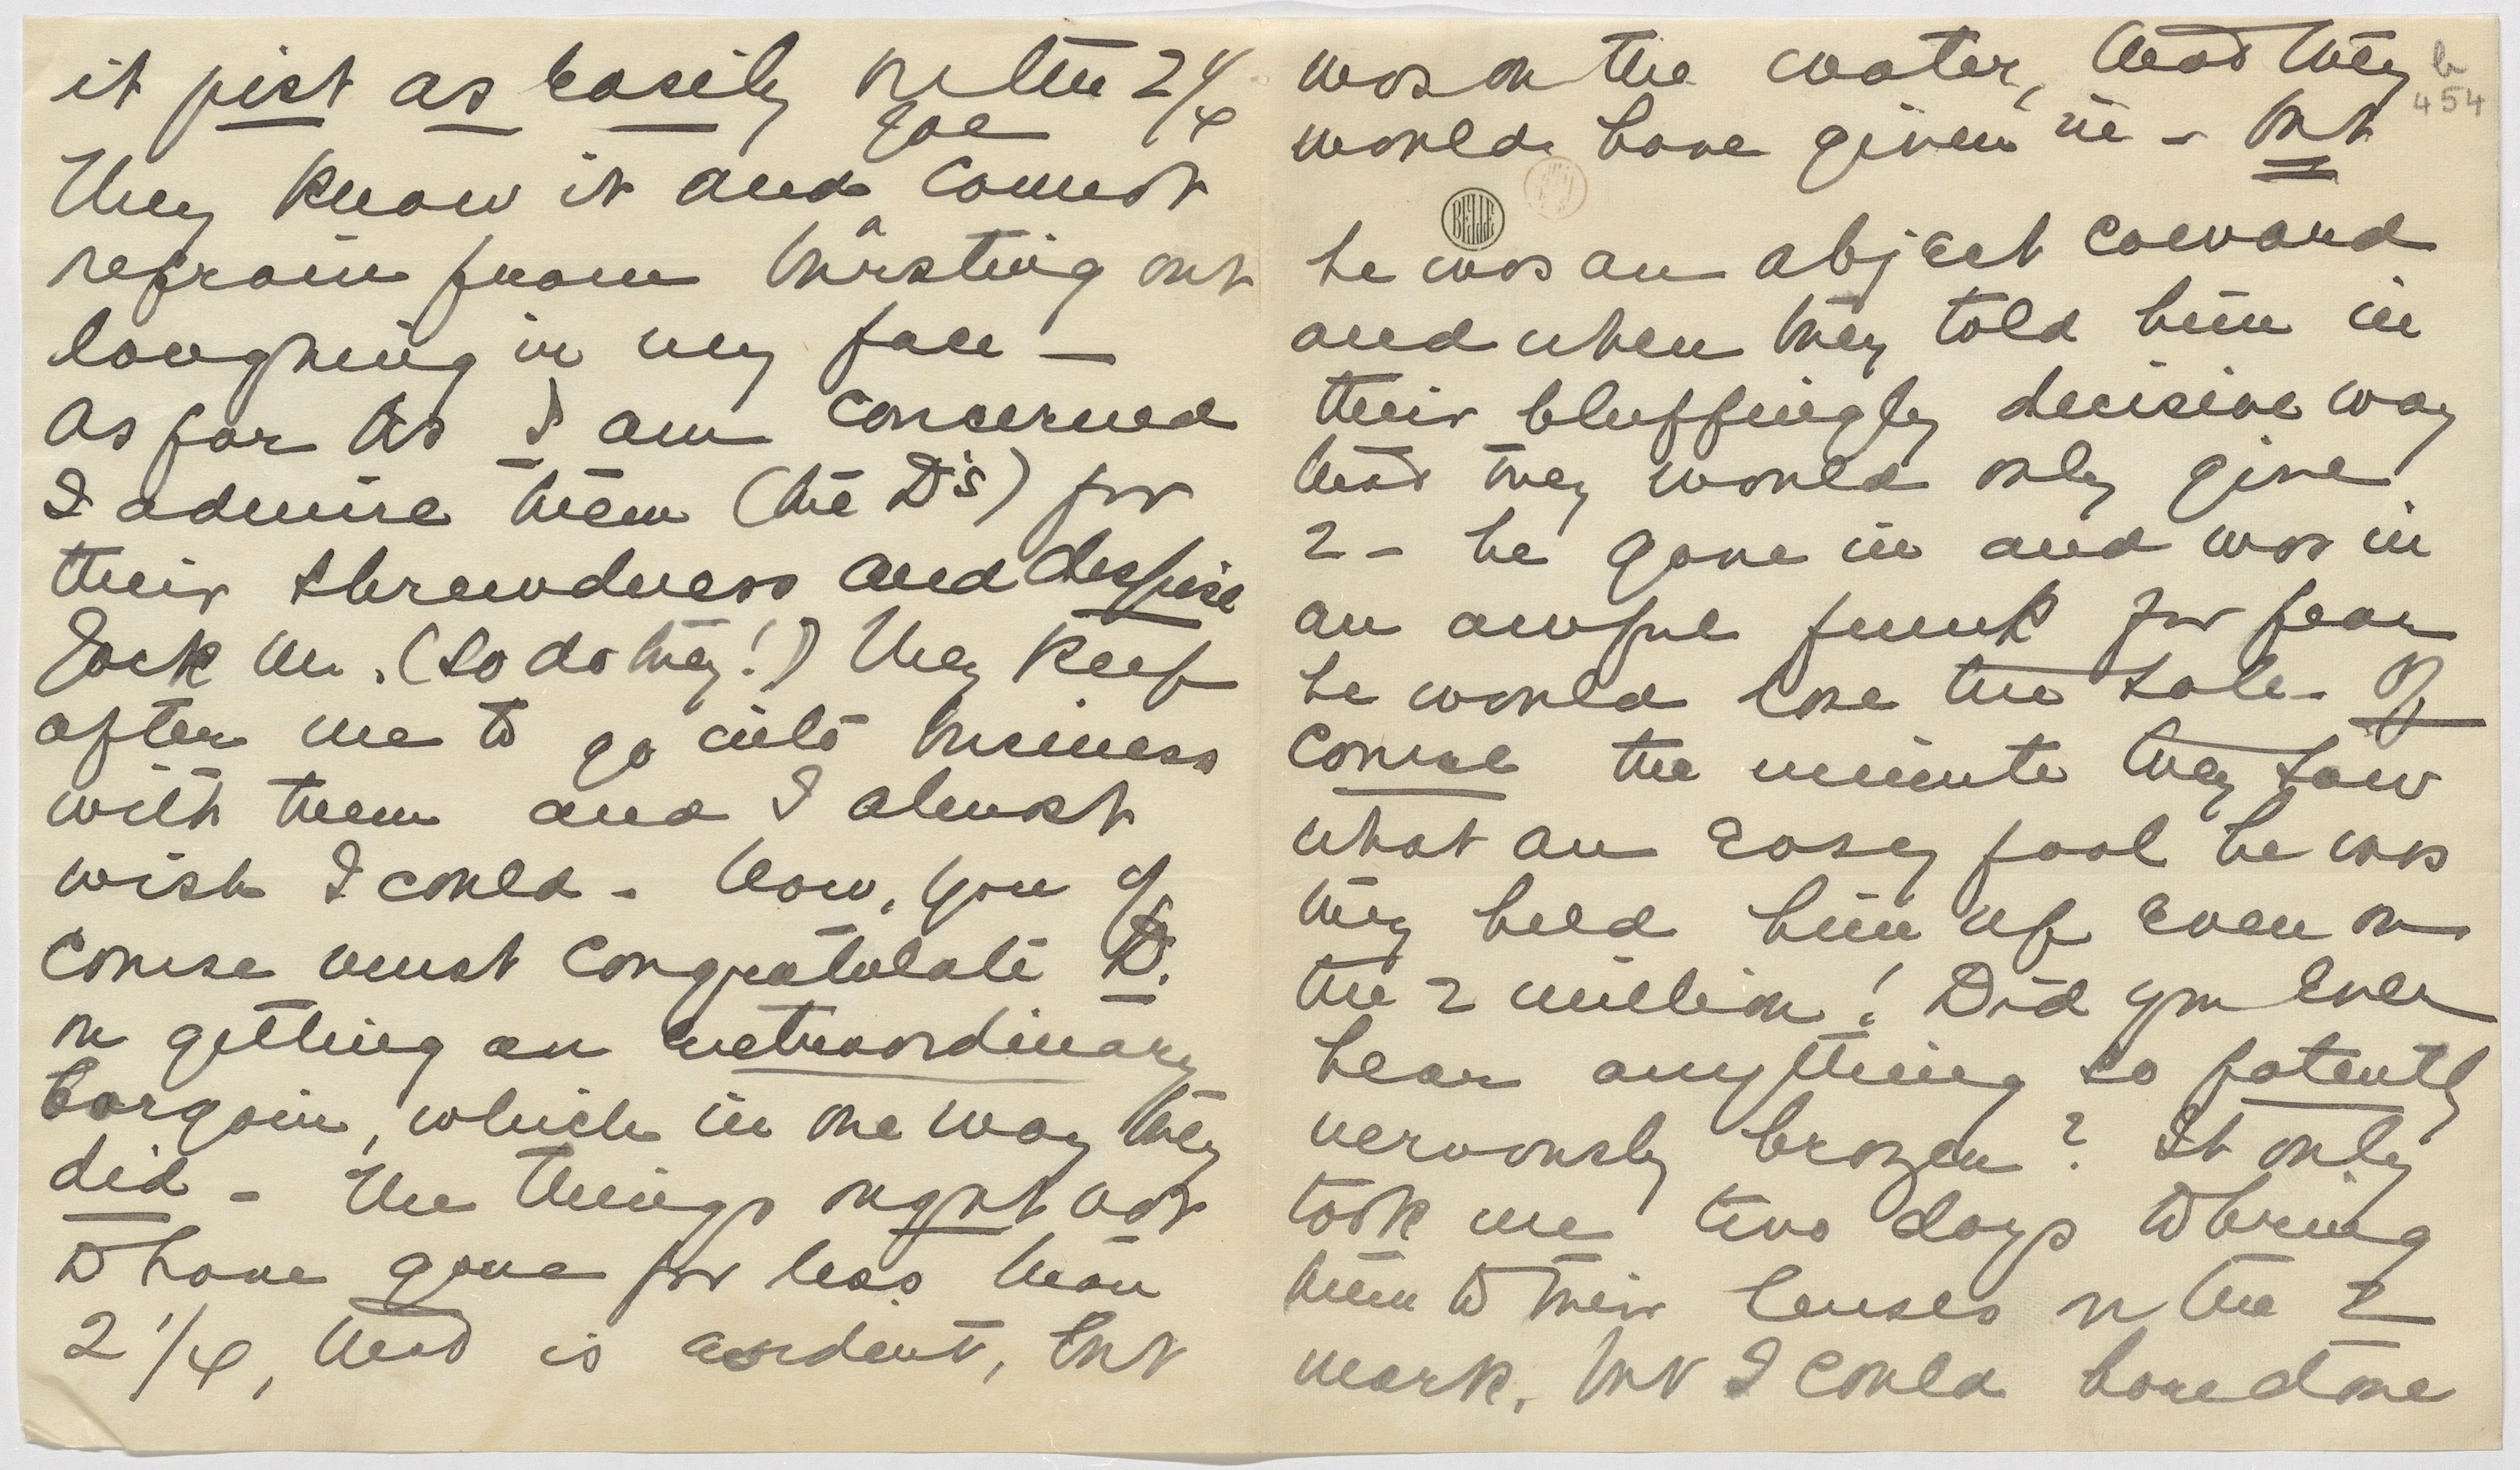was on the water, that they would have given in – [double underlined: but] he was an abject coward and when they told him in their bluffingly decisive way that they would only give 2 – he gave in and not in an awful funk for fear he would lose the sale – of course the the minute they saw what an easy fool he was they held him up even on the 2 million! Did you ever hear anything so potently nervously brazen? It only took me two days to bring them to their senses on the 2 mark, but I could have done
it just as easily on the 2 ¼ They know it and [^Joe^] cannot refrain from bursting out laughing in my face – as far as I am concerned I admire them (the D’s) for their shrewdness and despise Jack M. (so do they!) they keep after me to go into business with them and I almost wish I could – how you of course must congratulate D. on getting an extraordinary bargain, which in one way they did – the things ought not to have gone for less than 2¼, that is evident, but